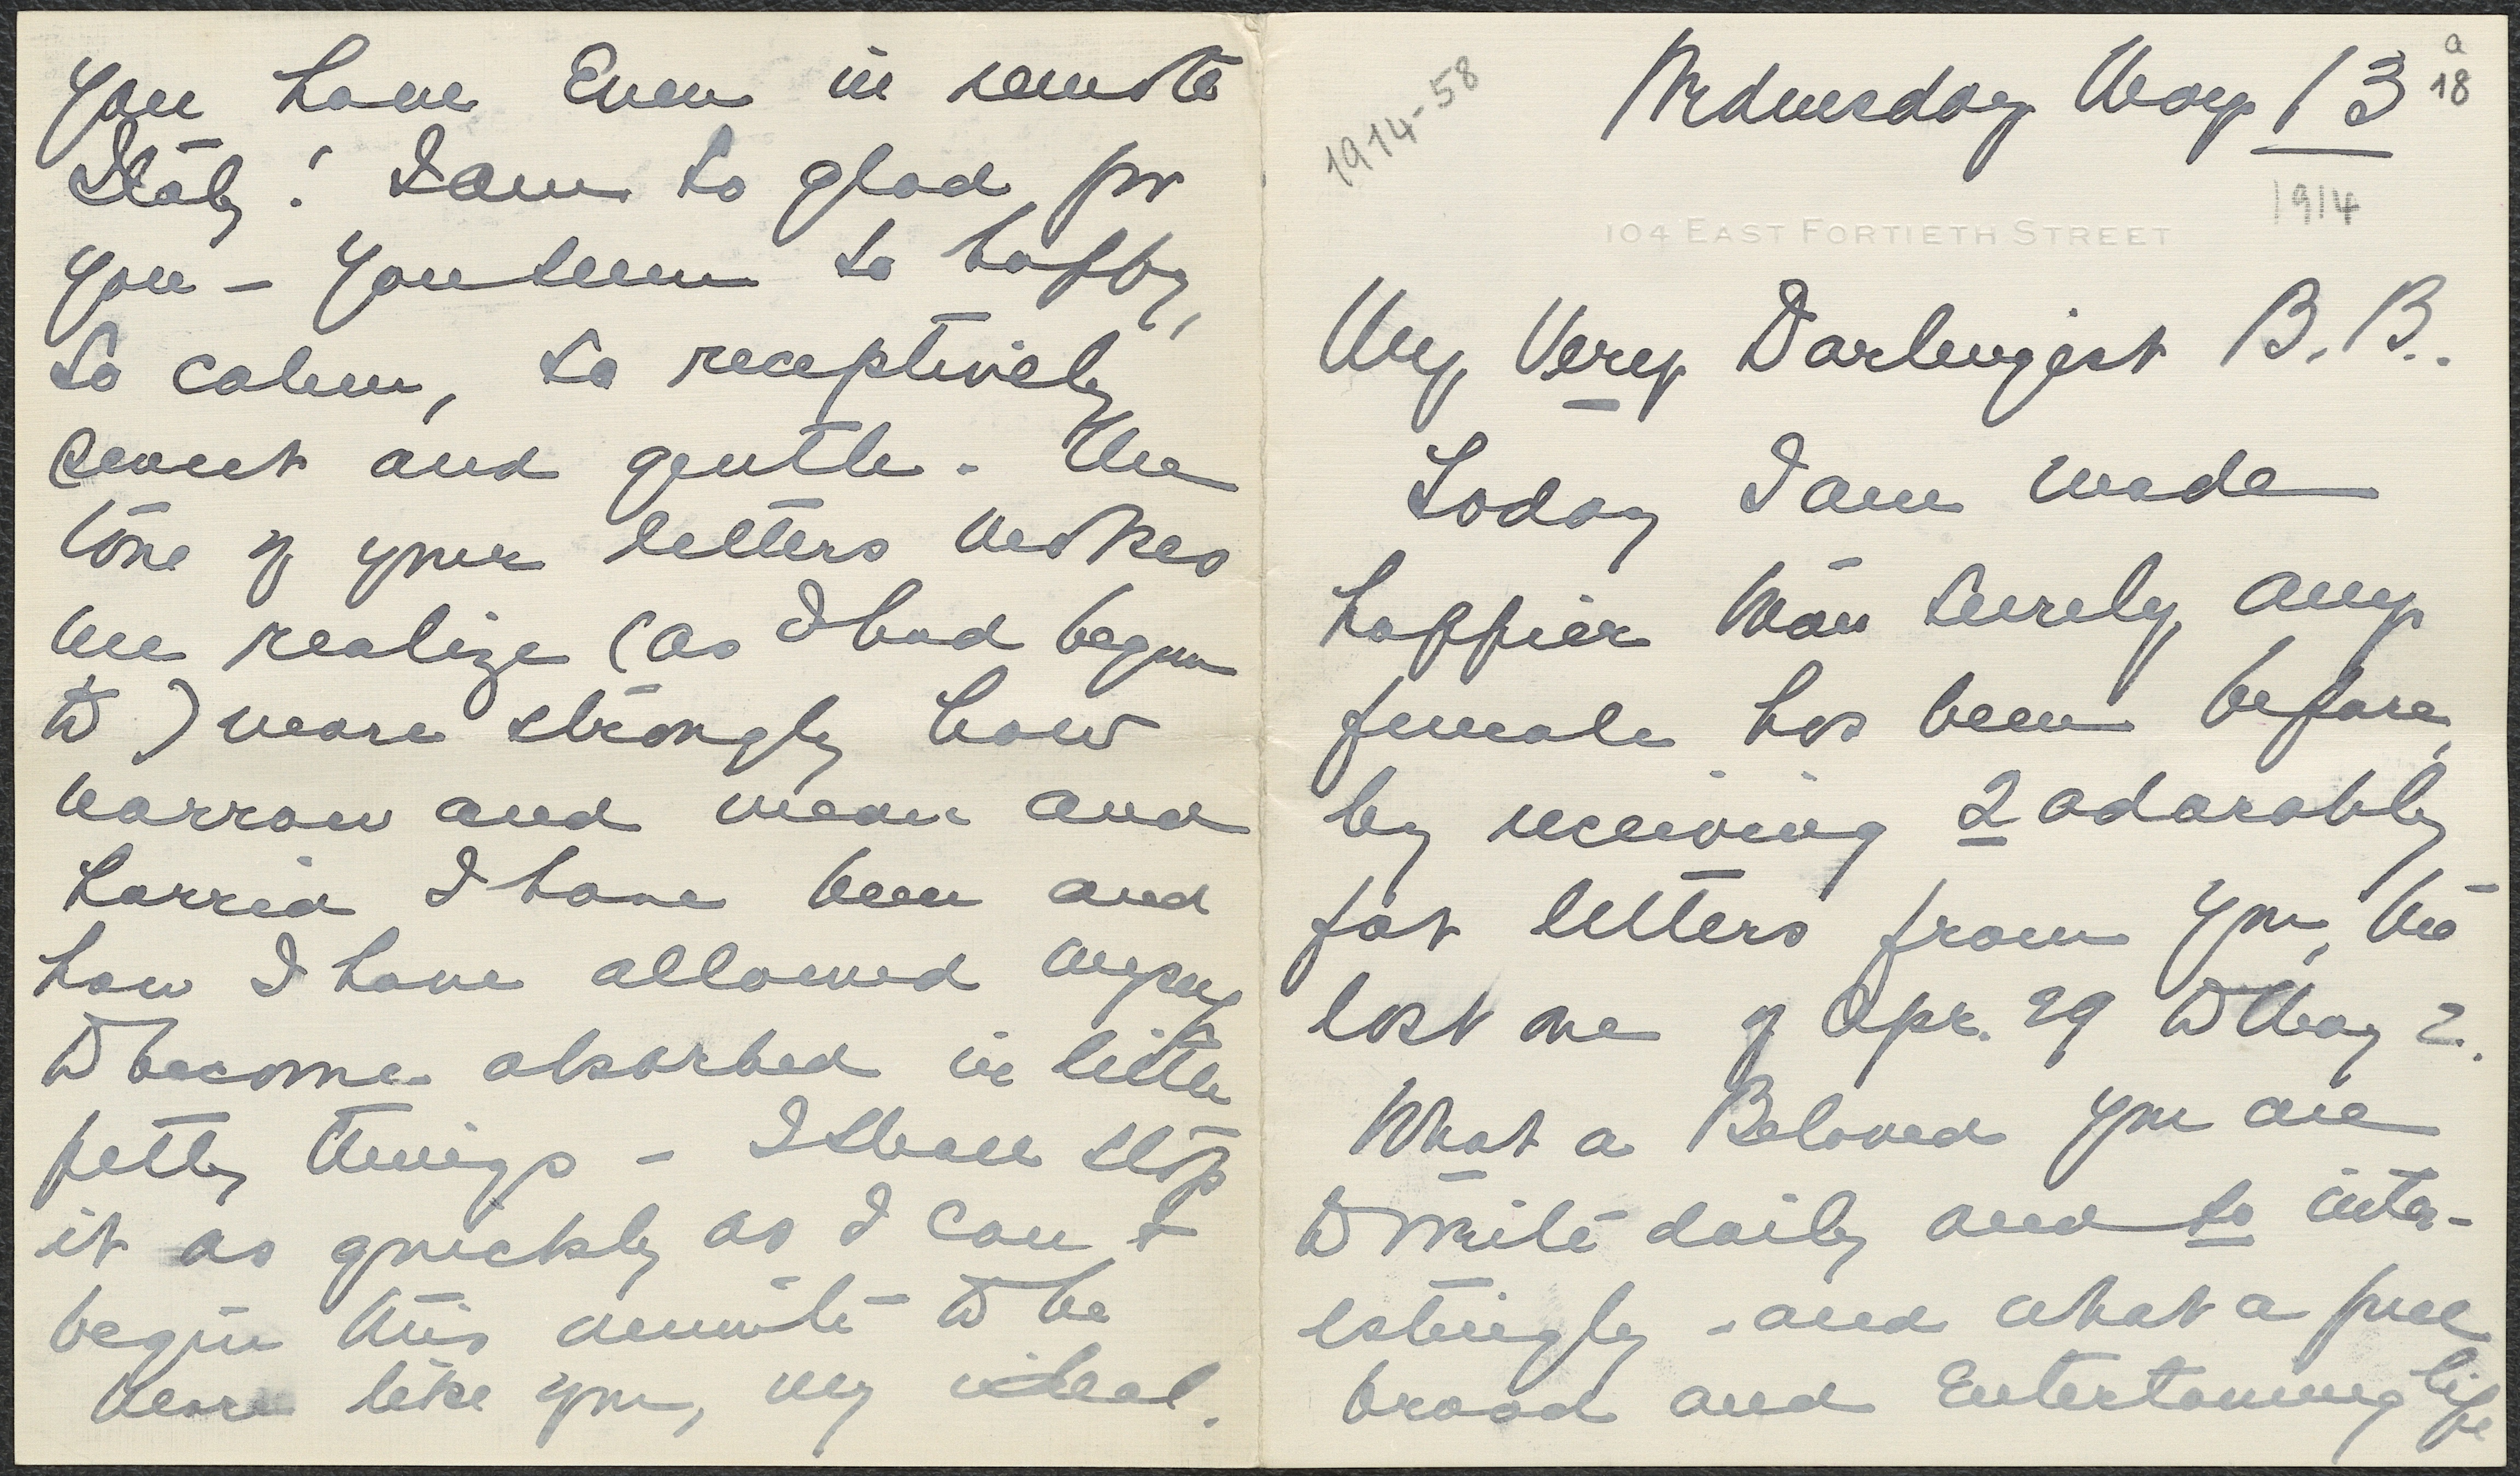Wednesday May 13
My Very Darlingest B.B.. [sic]
Today I am made happier than surely any female has been before, by receiving 2 adorably fat letters from you, the last one of Apr. 29 to May 2.
What a Beloved you are to write daily and so interestingly – and what a full broad and entertaining life
you have even in remote Italy! I am so glad for you – you seem so happy, so calm, so receptively sweet and gentle. The tone of your letters makes me realize (as I had begun to) more strongly how narrow and mean and horrid I have been and how I have allowed myself to become absorbed in little petty things – I shall stop it as quickly as I can & begin this minute to be more like you, my ideal.